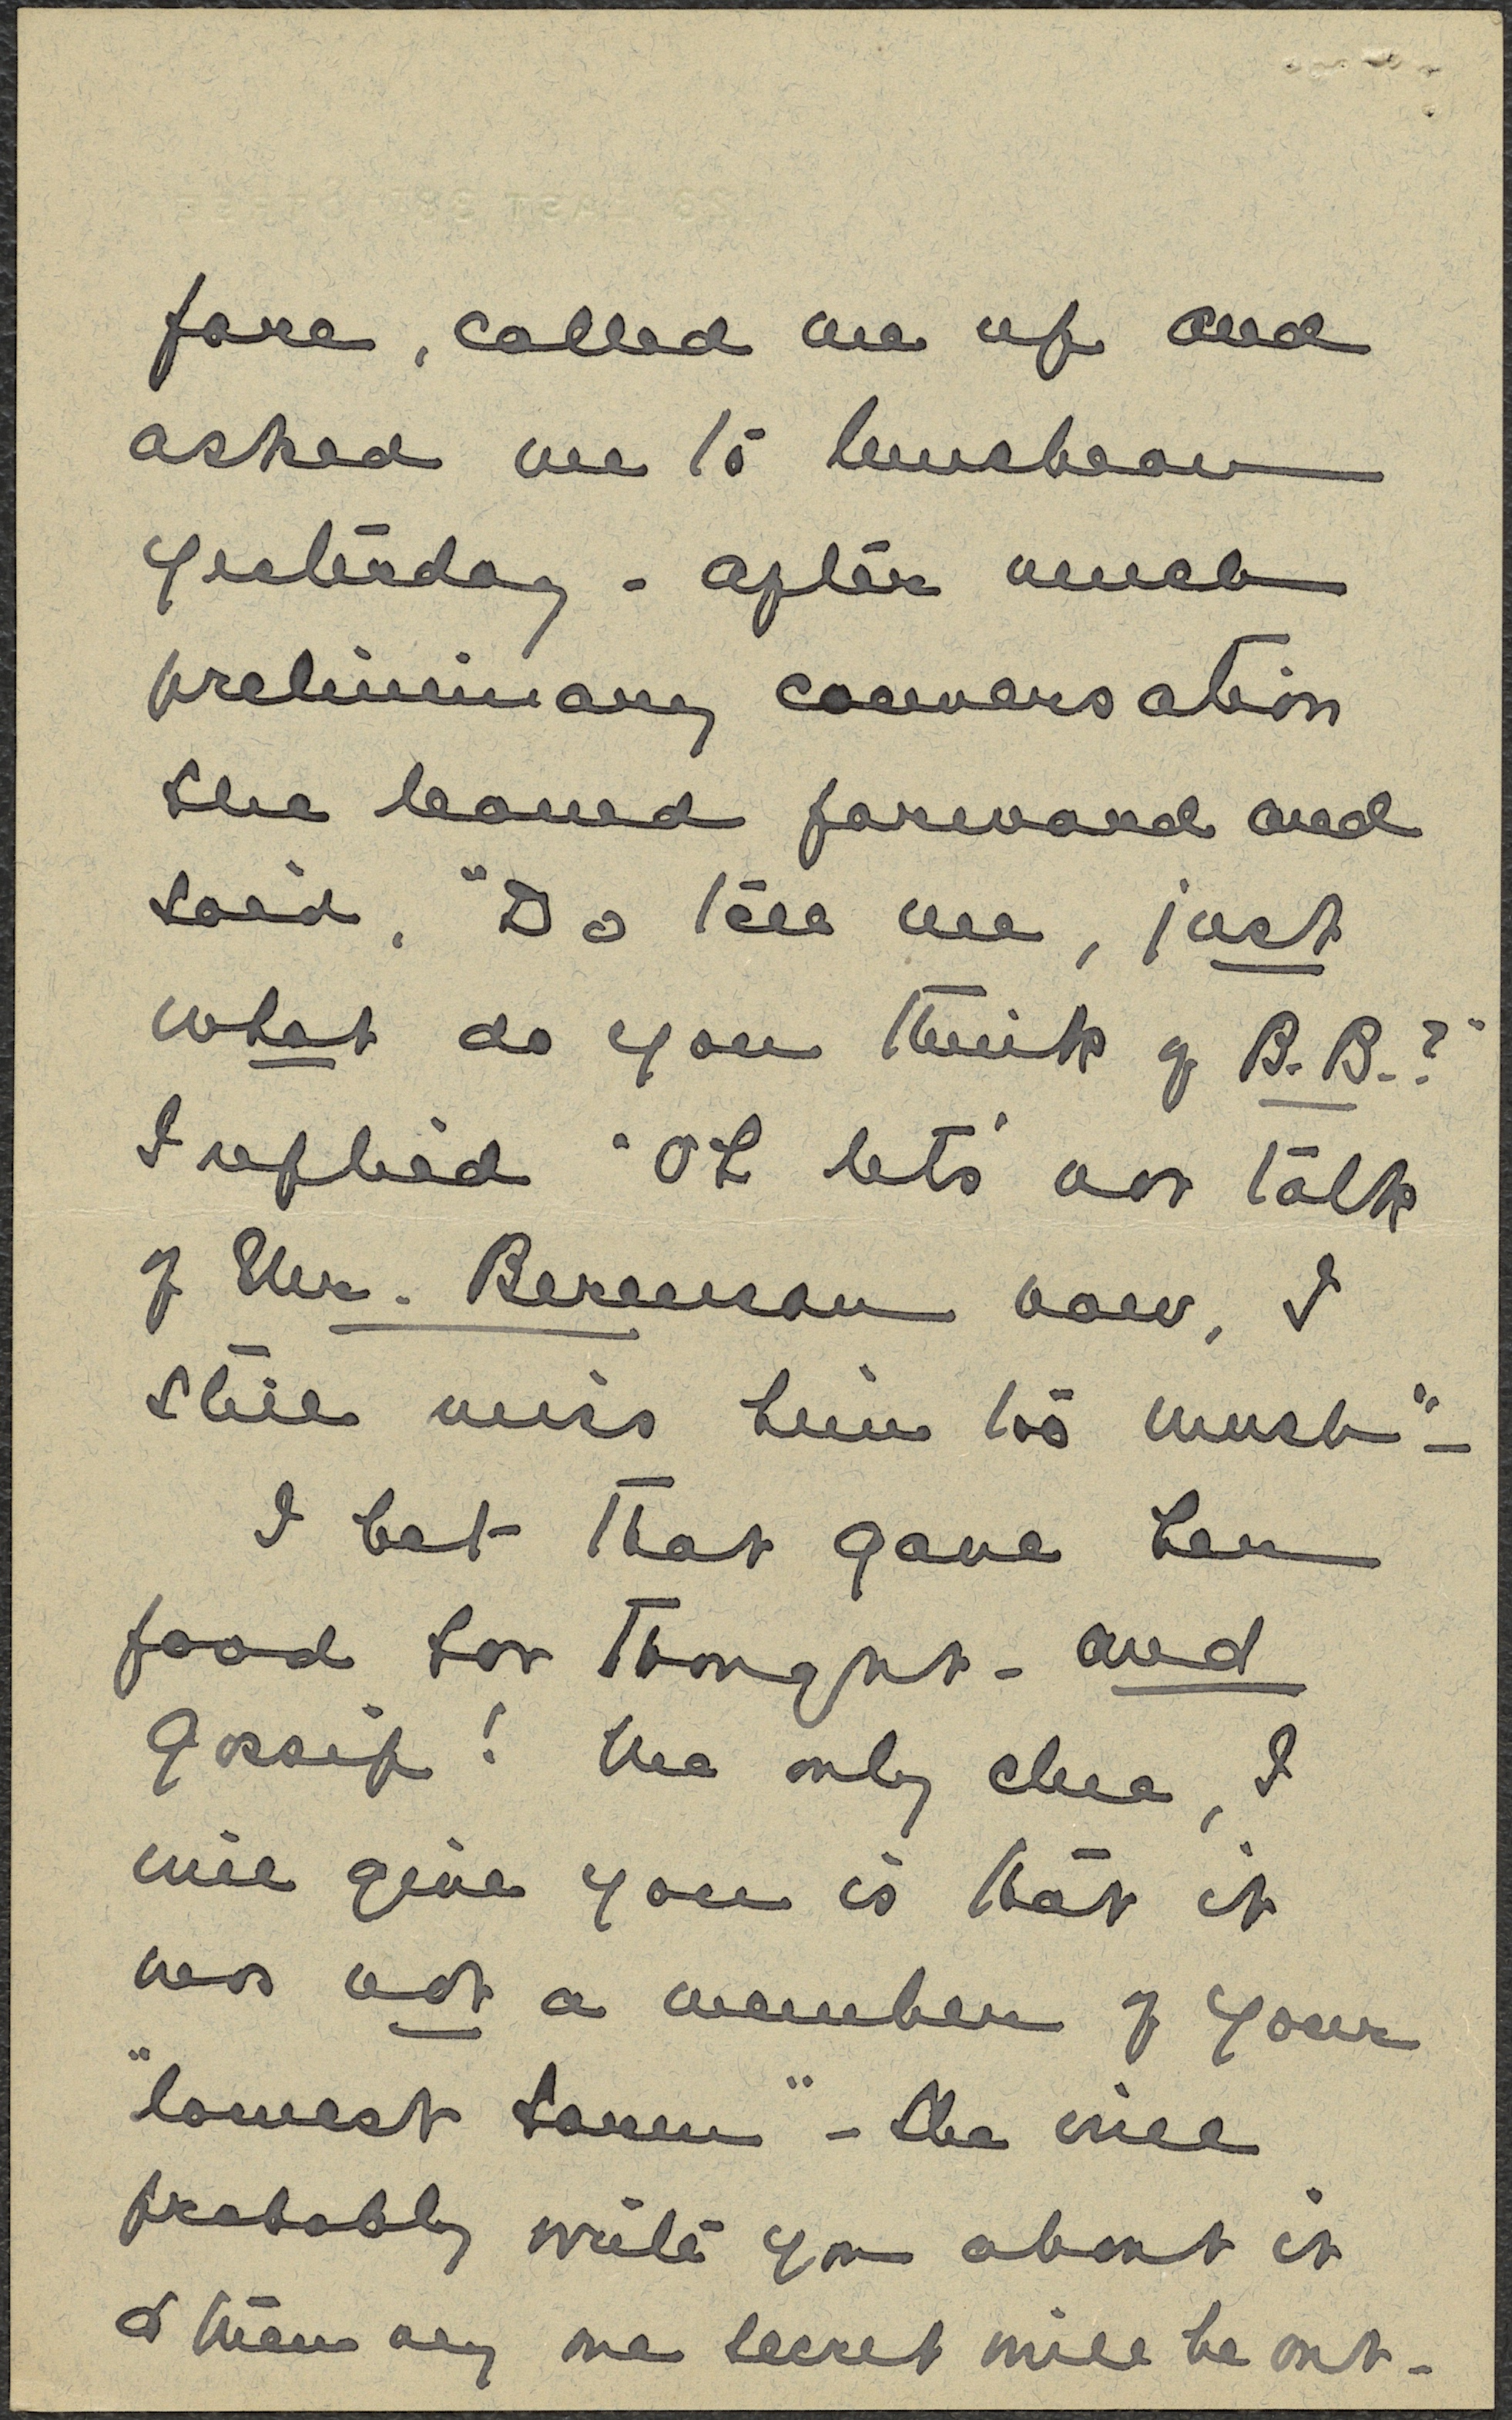called me up and asked me to luncheon yesterday – after much preliminary conversation she leaned forward and said, "Do tell me, just what do you think of B.B.?" I replied "Oh let's not talk of Mr. Berenson now, I still miss him too much" –
I bet that gave her food for thought – and gossip! The only clue, I will give you is that it was not a member of your "lowest form" – She will probably write you about it & then my one secret will be out –